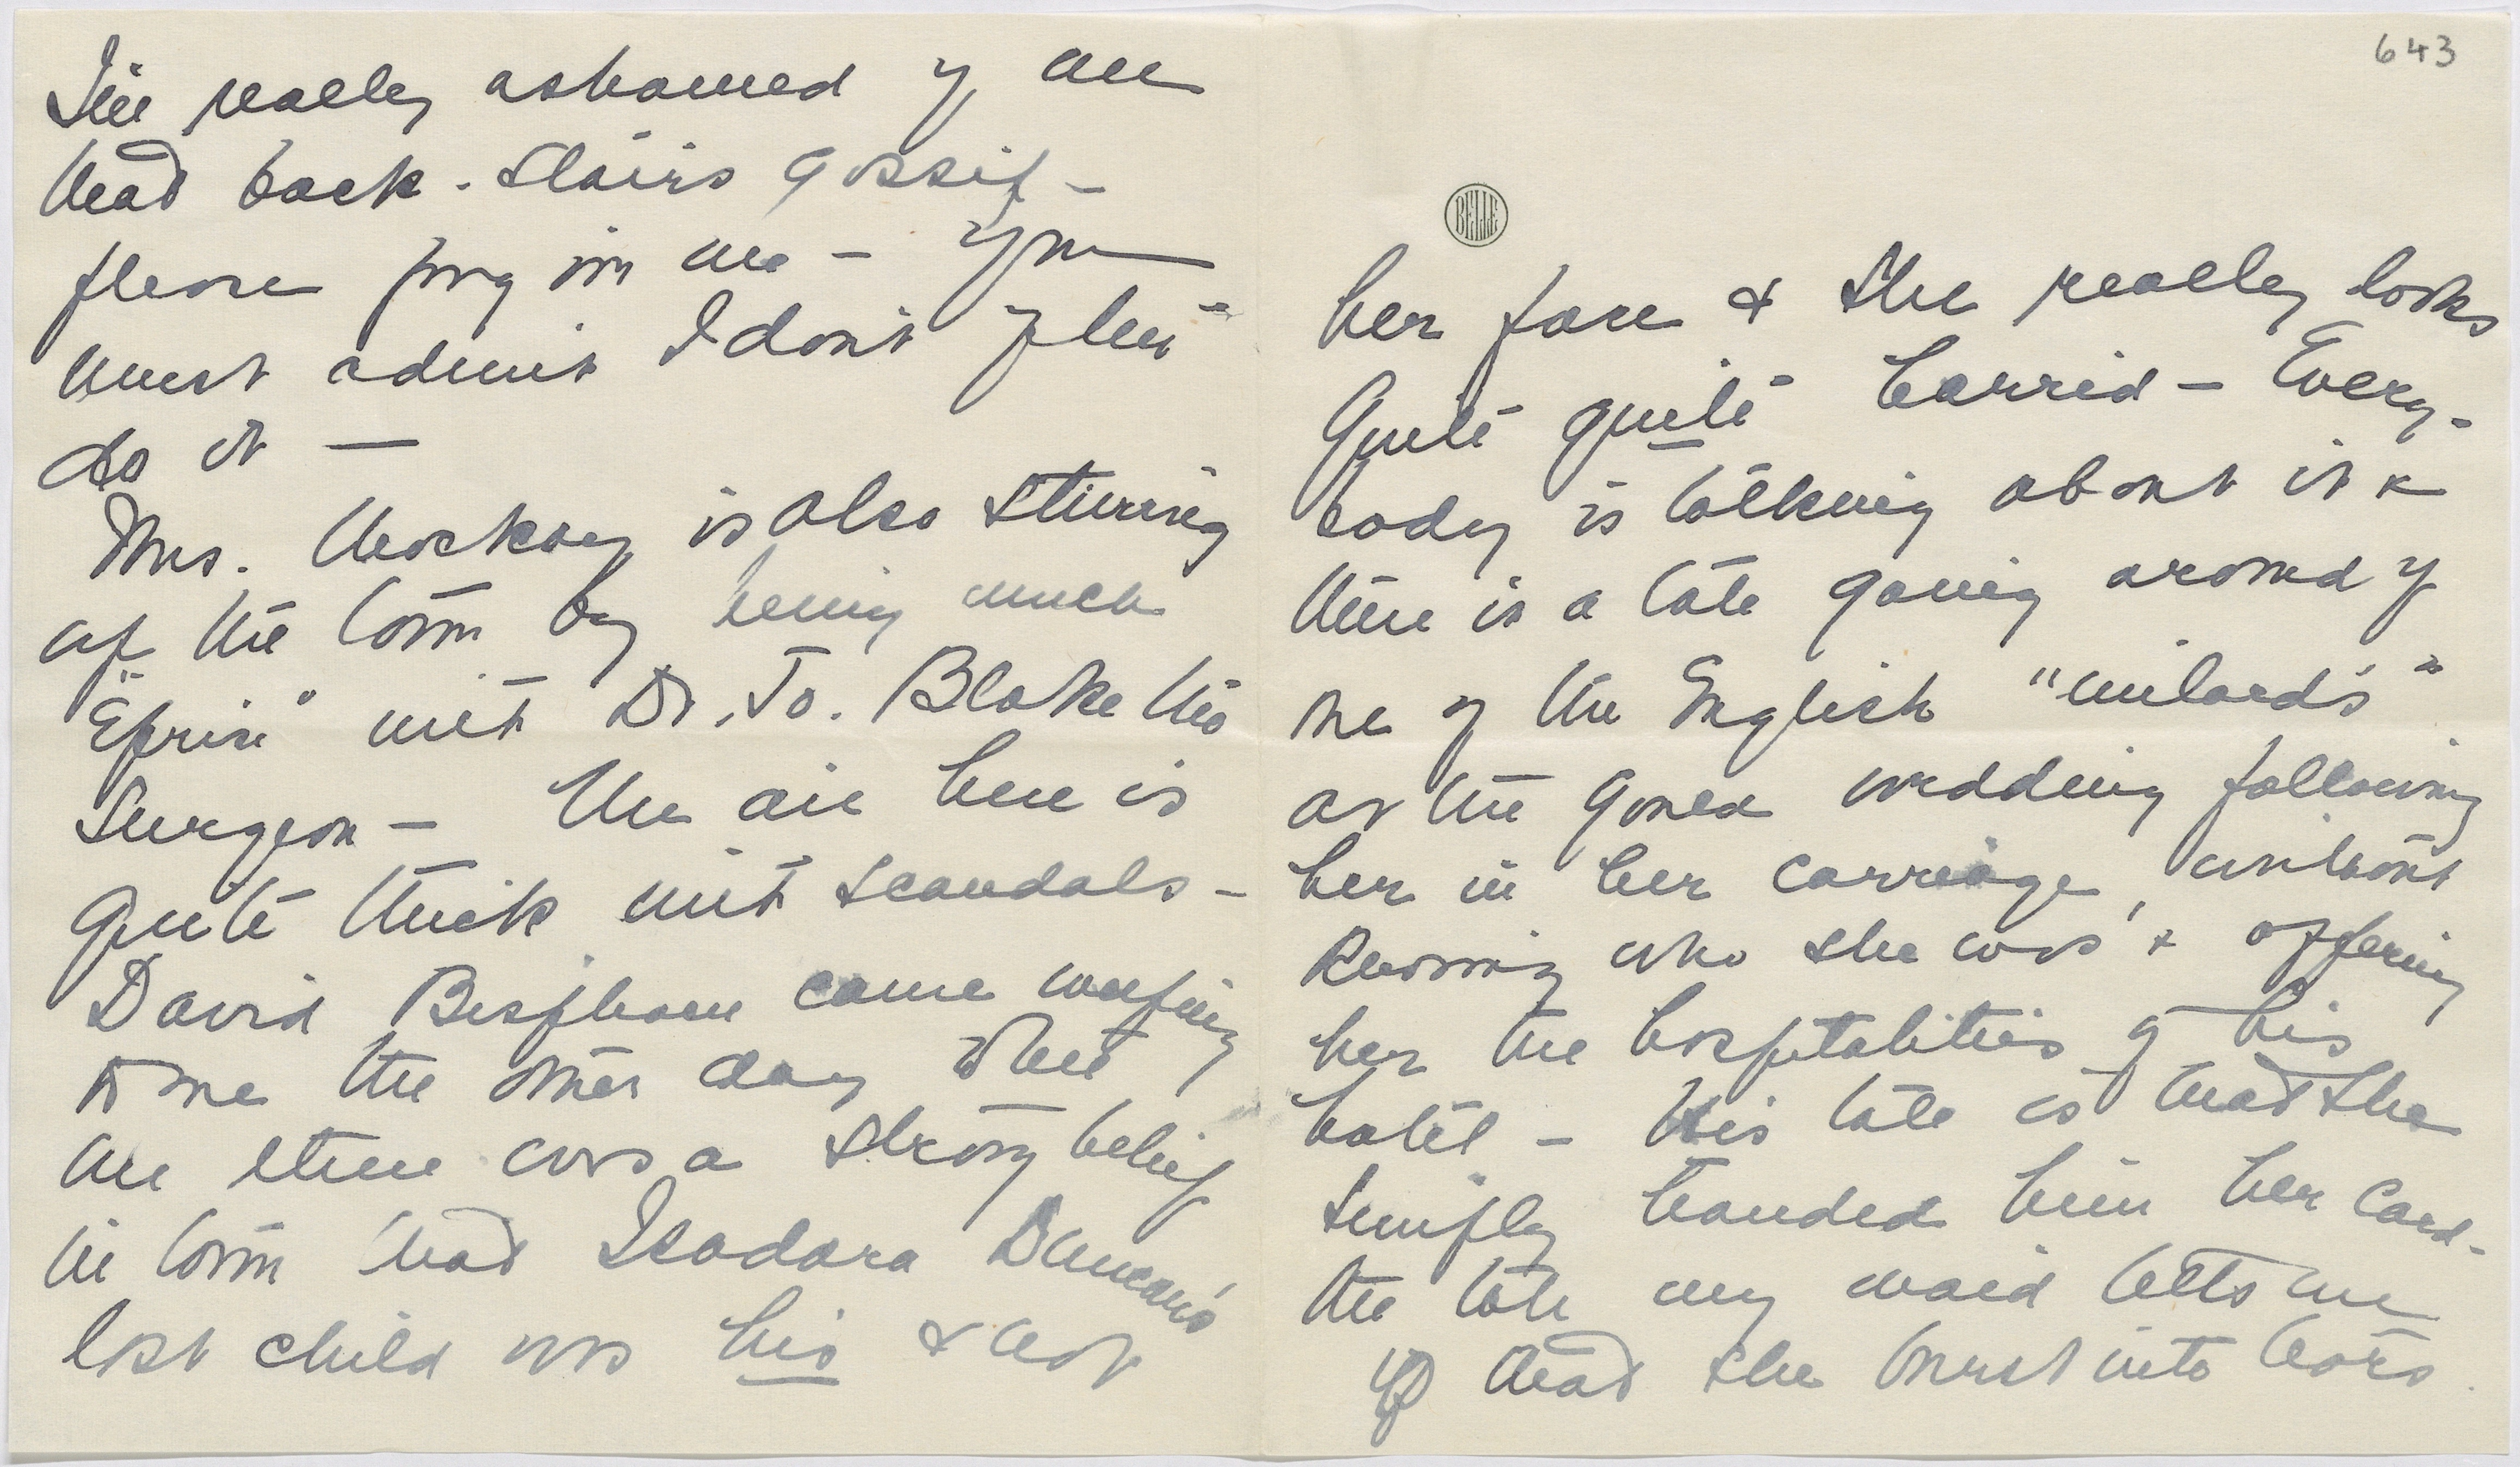her face & she really looks quite quite horrid – Everybody is talking about it & there is a tale going around of one of the English “milord’s” at the Gould wedding following her in her carriage, without knowing who she was & offering her the hospitalities of his hotel – His tale is that she simply handed him her card – the tale my maid tells me is that she burst into tears.
I’m really ashamed of all that back-stairs gossip – please forgive me – you must admit I don’t often do it –
Mrs. Mackay is also stirring up the town by being much “eprise” with Dr. Jo. Blake the surgeon – The air here is quite thick with scandals – David Bispham came moping to me the other day to tell me there was a strong belief in town that Isadora Duncan’s last child was his & not